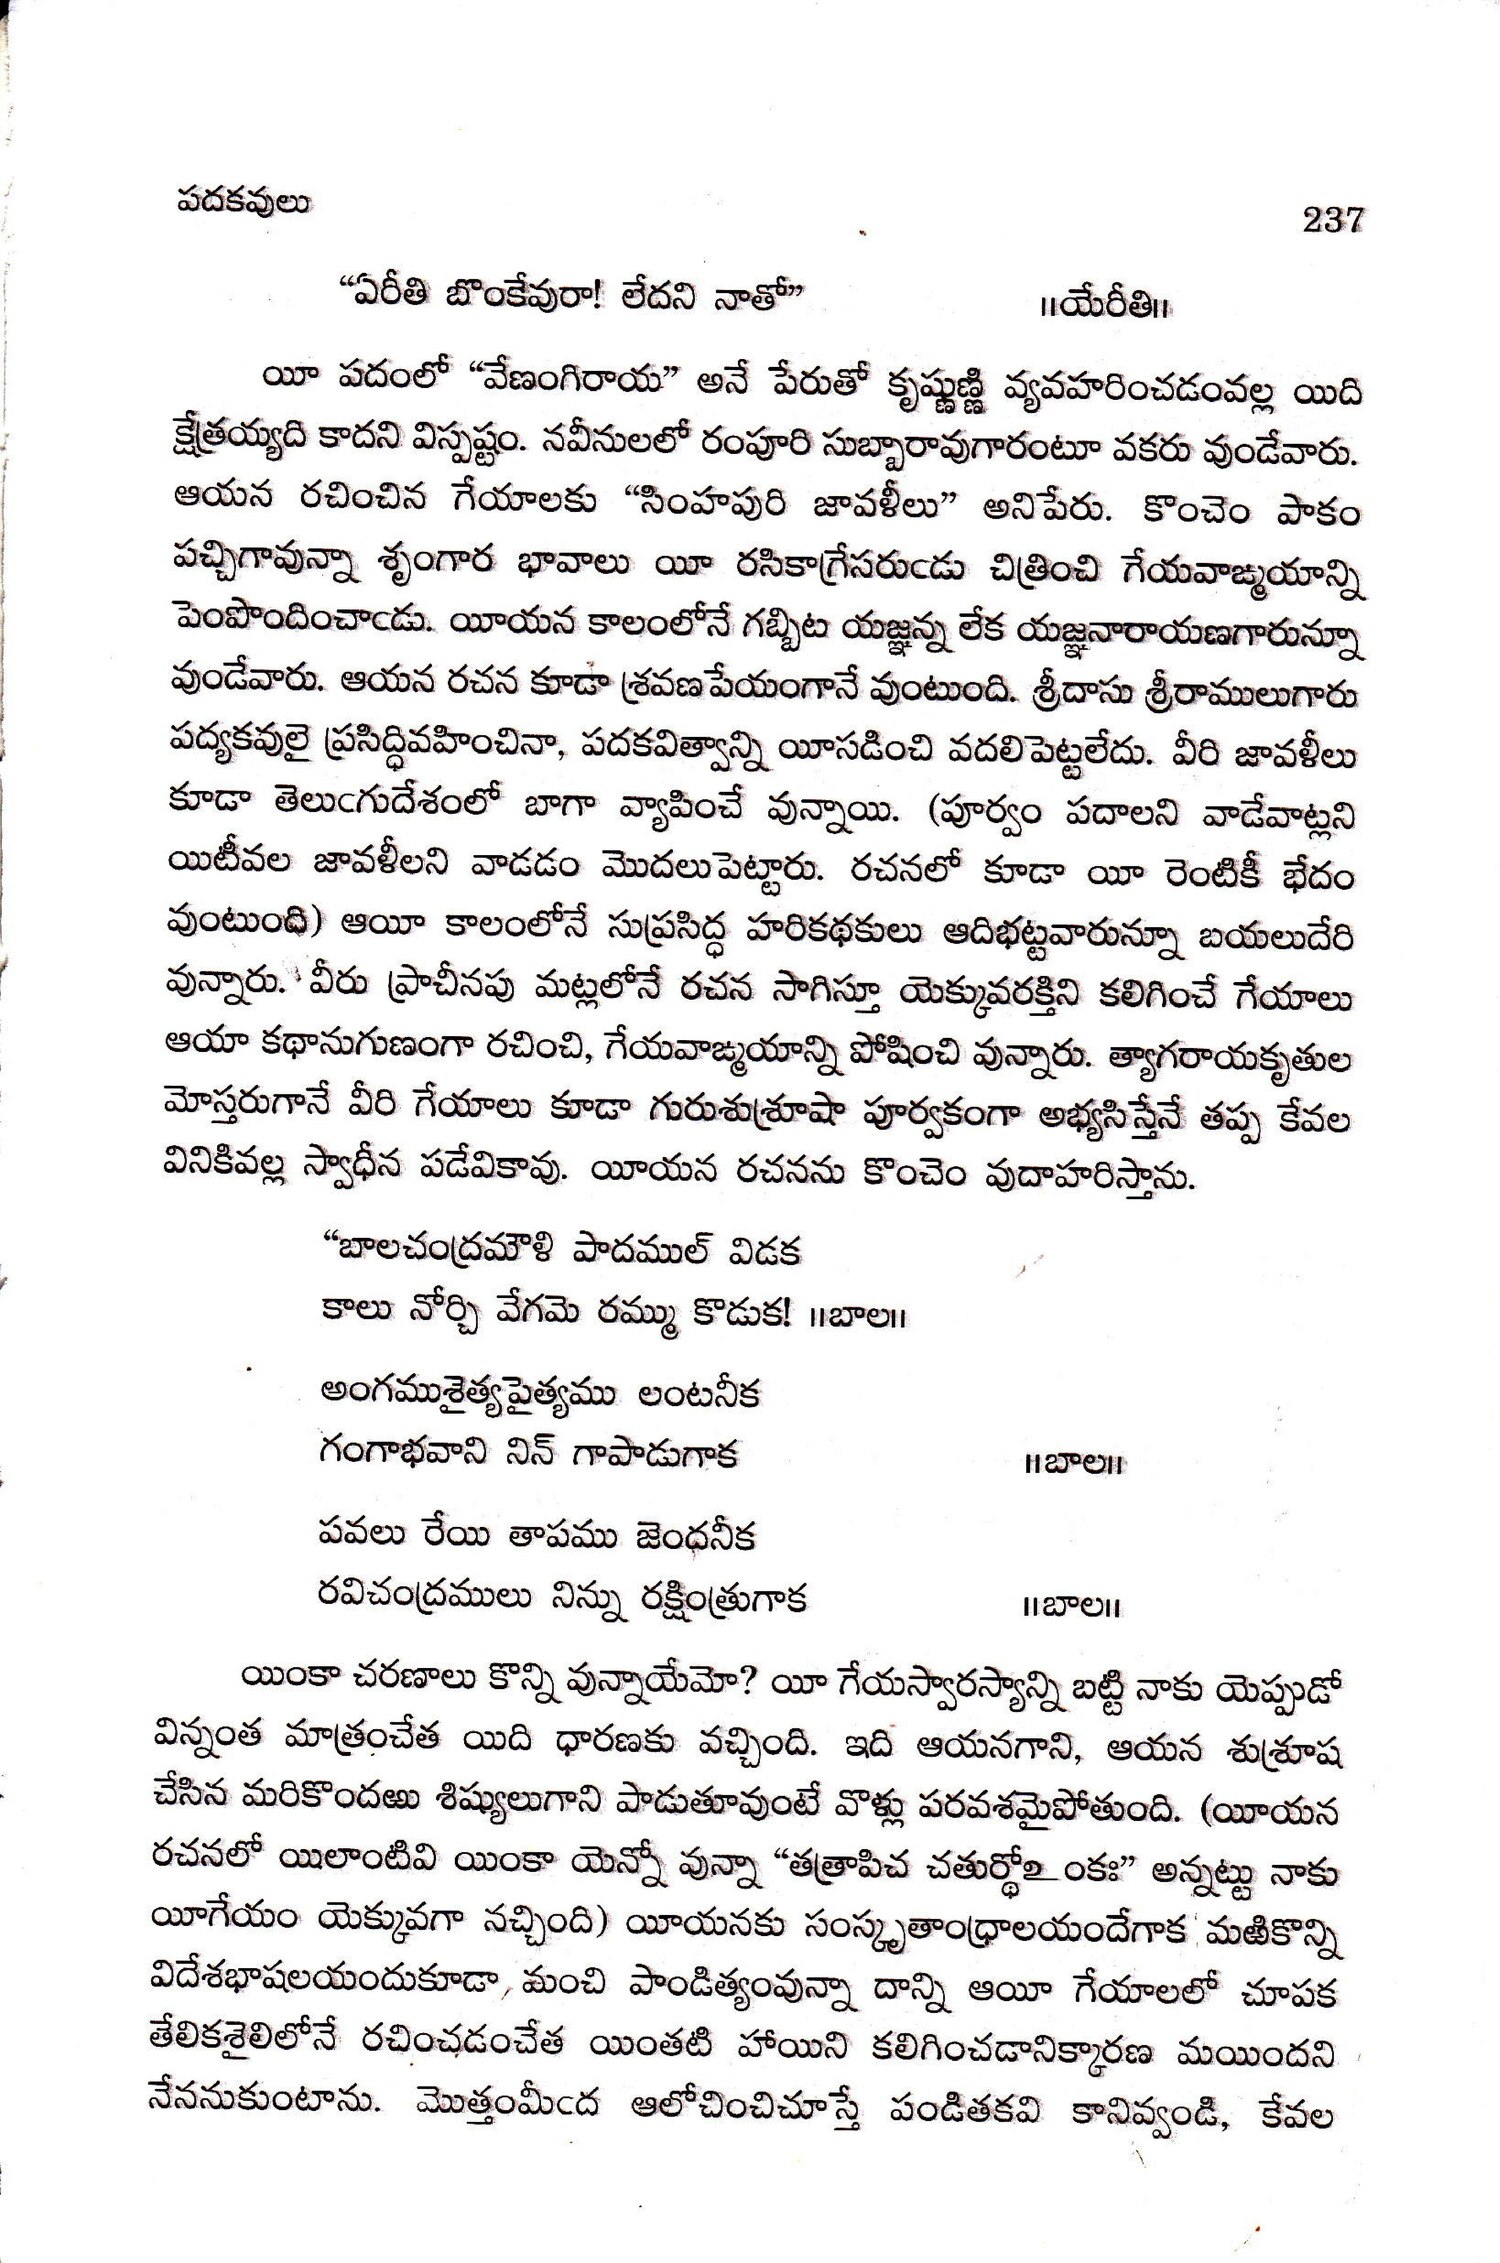“ఏరీతి బొంకేవురా! లేదని నాతో" ||యేరీతి||
యీ పదంలో “వేణంగిరాయ" అనే పేరుతో కృష్ణుణ్ణి వ్యవహరించడంవల్ల యిది క్షేత్రయ్యది కాదని విస్పష్టం. నవీనులలో రంపూరి సుబ్బారావుగారంటూ వకరు వుండేవారు. ఆయన రచించిన గేయాలకు "సింహపురి జావళీలు" అనిపేరు. కొంచెం పాకం పచ్చిగావున్నా శృంగార భావాలు యీ రసికాగ్రేసరుఁడు చిత్రించి గేయవాజ్మయాన్ని పెంపొందించాcడు. యీయన కాలంలోనే గబ్బిట యజ్ఞన్న లేక యజ్ఞనారాయణగారున్నూ వుండేవారు. ఆయన రచన కూడా శ్రవణపేయంగానే వుంటుంది. శ్రీదాసు శ్రీరాములుగారు పద్యకవులై ప్రసిద్ధివహించినా, పదకవిత్వాన్ని యీసడించి వదలిపెట్టలేదు. వీరి జావళీలు కూడా తెలుఁగుదేశంలో బాగా వ్యాపించే వున్నాయి. (పూర్వం పదాలని వాడేవాట్లని యిటీవల జావళీలని వాడడం మొదలుపెట్టారు. రచనలో కూడా యీ రెంటికీ భేదం వుంటుంది) ఆయీ కాలంలోనే సుప్రసిద్ధ హరికథకులు ఆదిభట్టవారున్నూ బయలుదేరి వున్నారు. వీరు ప్రాచీనపు మట్లలోనే రచన సాగిస్తూ యెక్కువరక్తిని కలిగించే గేయాలు ఆయా కథానుగుణంగా రచించి, గేయవాజ్మయాన్ని పోషించి వున్నారు. త్యాగరాయకృతుల మోస్తరుగానే వీరి గేయాలు కూడా గురుశుశ్రూషా పూర్వకంగా అభ్యసిస్తేనే తప్ప కేవల వినికివల్ల స్వాధీన పడేవికావు. యీయన రచనను కొంచెం వుదాహరిస్తాను.

“బాలచంద్రమౌళి పాదముల్ విడక 
 కాలు నోర్చి వేగమె రమ్ము కొడుక! ||బాలII

 అంగముశైత్యపైత్యము లంటనీక 
 గంగాభవాని నిన్ గాపాడుగాక ||బాల||

 పవలు రేయి తాపము జెందనీక 
 రవిచంద్రములు నిన్ను రక్షింత్రుగాక 11బాల||
యింకా చరణాలు కొన్ని వున్నాయేమో? యీ గేయస్వారస్యాన్ని బట్టి నాకు యెప్పుడో విన్నంత మాత్రంచేత యిది ధారణకు వచ్చింది. ఇది ఆయనగాని, ఆయన శుశ్రూష చేసిన మరికొందఱు శిష్యులుగాని పాడుతూవుంటే వొళ్లు పరవశమైపోతుంది. (యీయన రచనలో యిలాంటివి యింకా యెన్నో వున్నా "తత్రాపిచ చతుర్థో౽ంకః" అన్నట్టు నాకు యీగేయం యెక్కువగా నచ్చింది) యీయనకు సంస్కృతాంధ్రాలయందేగాక మఱికొన్ని విదేశభాషలయందుకూడా, మంచి పాండిత్యంవున్నా దాన్ని ఆయీ గేయాలలో చూపక తేలికశైలిలోనే రచించడంచేత యింతటి హాయిని కలిగించడానిక్కారణ మయిందని నేననుకుంటాను. మొత్తంమీఁద ఆలోచించిచూస్తే పండితకవి కానివ్వండి, కేవల